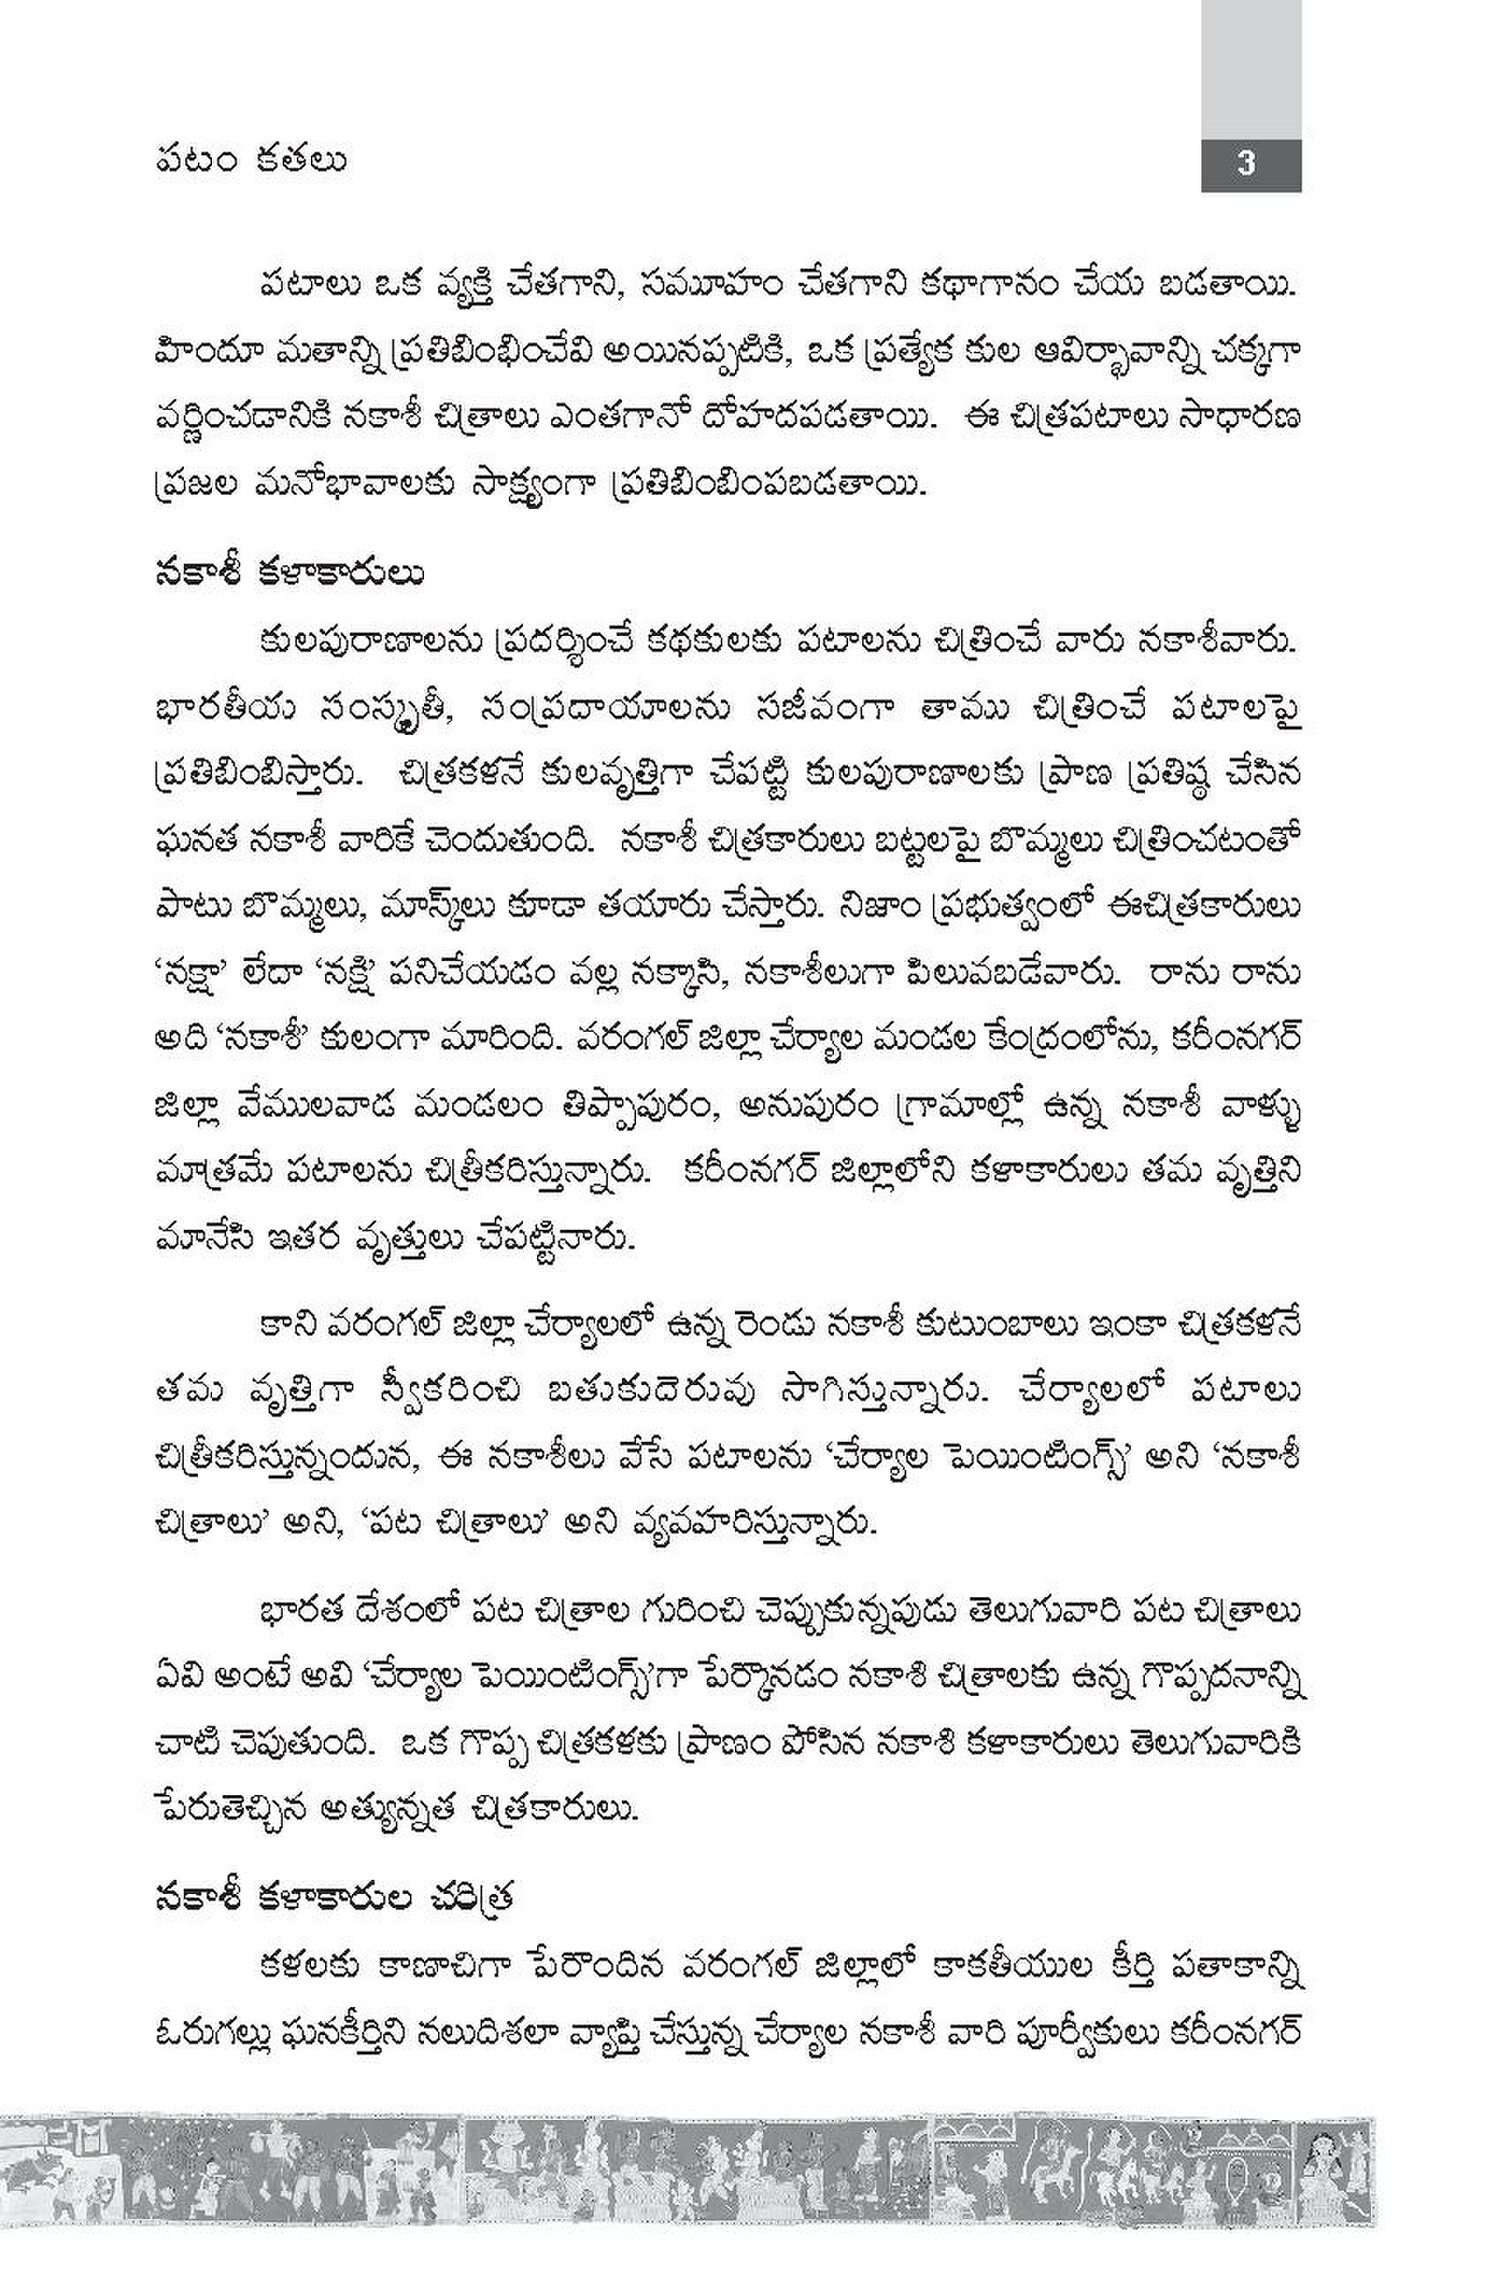పటాలు ఒక వ్యక్తి చేతగాని, సమూహం చేతగాని కథాగానం చేయ బడతాయి. హిందూ మతాన్ని ప్రతిబింభించేవి అయినప్పటికి, ఒక ప్రత్యేక కుల ఆవిర్భావాన్ని చక్కగా వర్ణించడానికి నకాశీ చిత్రాలు ఎంతగానో దోహదపడతాయి. ఈ చిత్రపటాలు సాధారణ ప్రజల మనోభావాలకు సాక్ష్యంగా ప్రతిబింబింపబడతాయి.

నకాశీ కళాకారులు 

కులపురాణాలను ప్రదర్శించే కథకులకు పటాలను చిత్రించే వారు నకాశీవారు. భారతీయ సంస్కృతీ, సంప్రదాయాలను సజీవంగా తాము చిత్రించే పటాలపై ప్రతిబింబిస్తారు. చిత్రకళనే కులవృత్తిగా చేపట్టి కులపురాణాలకు ప్రాణ ప్రతిష్ఠ చేసిన ఘనత నకాశీ వారికే చెందుతుంది. నకాశీ చిత్రకారులు బట్టలపై బొమ్మలు చిత్రించటంతో పాటు బొమ్మలు, మాస్క్లలు కూడా తయారు చేస్తారు. నిజాం ప్రభుత్వంలో ఈచిత్రకారులు 'నక్షా' లేదా 'నక్షి' పనిచేయడం వల్ల నక్కాసి, నకాశీలుగా పిలువబడేవారు. రాను రాను అది 'నకాశీ' కులంగా మారింది. వరంగల్ జిల్లా చేర్యాల మండల కేంద్రంలోను, కరీంనగర్ జిల్లా వేములవాడ మండలం తిప్పాపురం, అనుపురం గ్రామాల్లో ఉన్న నకాశీ వాళ్ళు మాత్రమే పటాలను చిత్రీకరిస్తున్నారు. కరీంనగర్ జిల్లాలోని కళాకారులు తమ వృత్తిని మానేసి ఇతర వృత్తులు చేపట్టినారు.

కాని వరంగల్ జిల్లా చేర్యాలలో ఉన్న రెండు నకాశీ కుటుంబాలు ఇంకా చిత్రకళనే తమ వృత్తిగా స్వీకరించి బతుకుదెరువు సాగిస్తున్నారు. చేర్యాలలో పటాలు చిత్రీకరిస్తున్నందున, ఈ నకాశీలు వేసే పటాలను 'చేర్యాల పెయింటింగ్స్' అని 'నకాశీ చిత్రాలు' అని, 'పట చిత్రాలు' అని వ్యవహరిస్తున్నారు.

భారత దేశంలో పట చిత్రాల గురించి చెప్పుకున్నపుడు తెలుగువారి పట చిత్రాలు ఏవి అంటే అవి 'చేర్యాల పెయింటింగ్స్ 'గా పేర్కొనడం నకాశీ చిత్రాలకు ఉన్న గొప్పదనాన్ని చాటి చెపుతుంది. ఒక గొప్ప చిత్రకళకు ప్రాణం పోసిన నకాశి కళాకారులు తెలుగువారికి పేరుతెచ్చిన అత్యున్నత చిత్రకారులు.

నకాశీ కళాకారుల చరిత్ర 

కళలకు కాణాచిగా పేరొందిన వరంగల్ జిల్లాలో కాకతీయుల కీర్తి పతాకాన్ని ఓరుగల్లు ఘనకీర్తిని నలుదిశలా వ్యాప్తి చేస్తున్న చేర్యాల నకాశీ వారి పూర్వీకులు కరీంనగర్